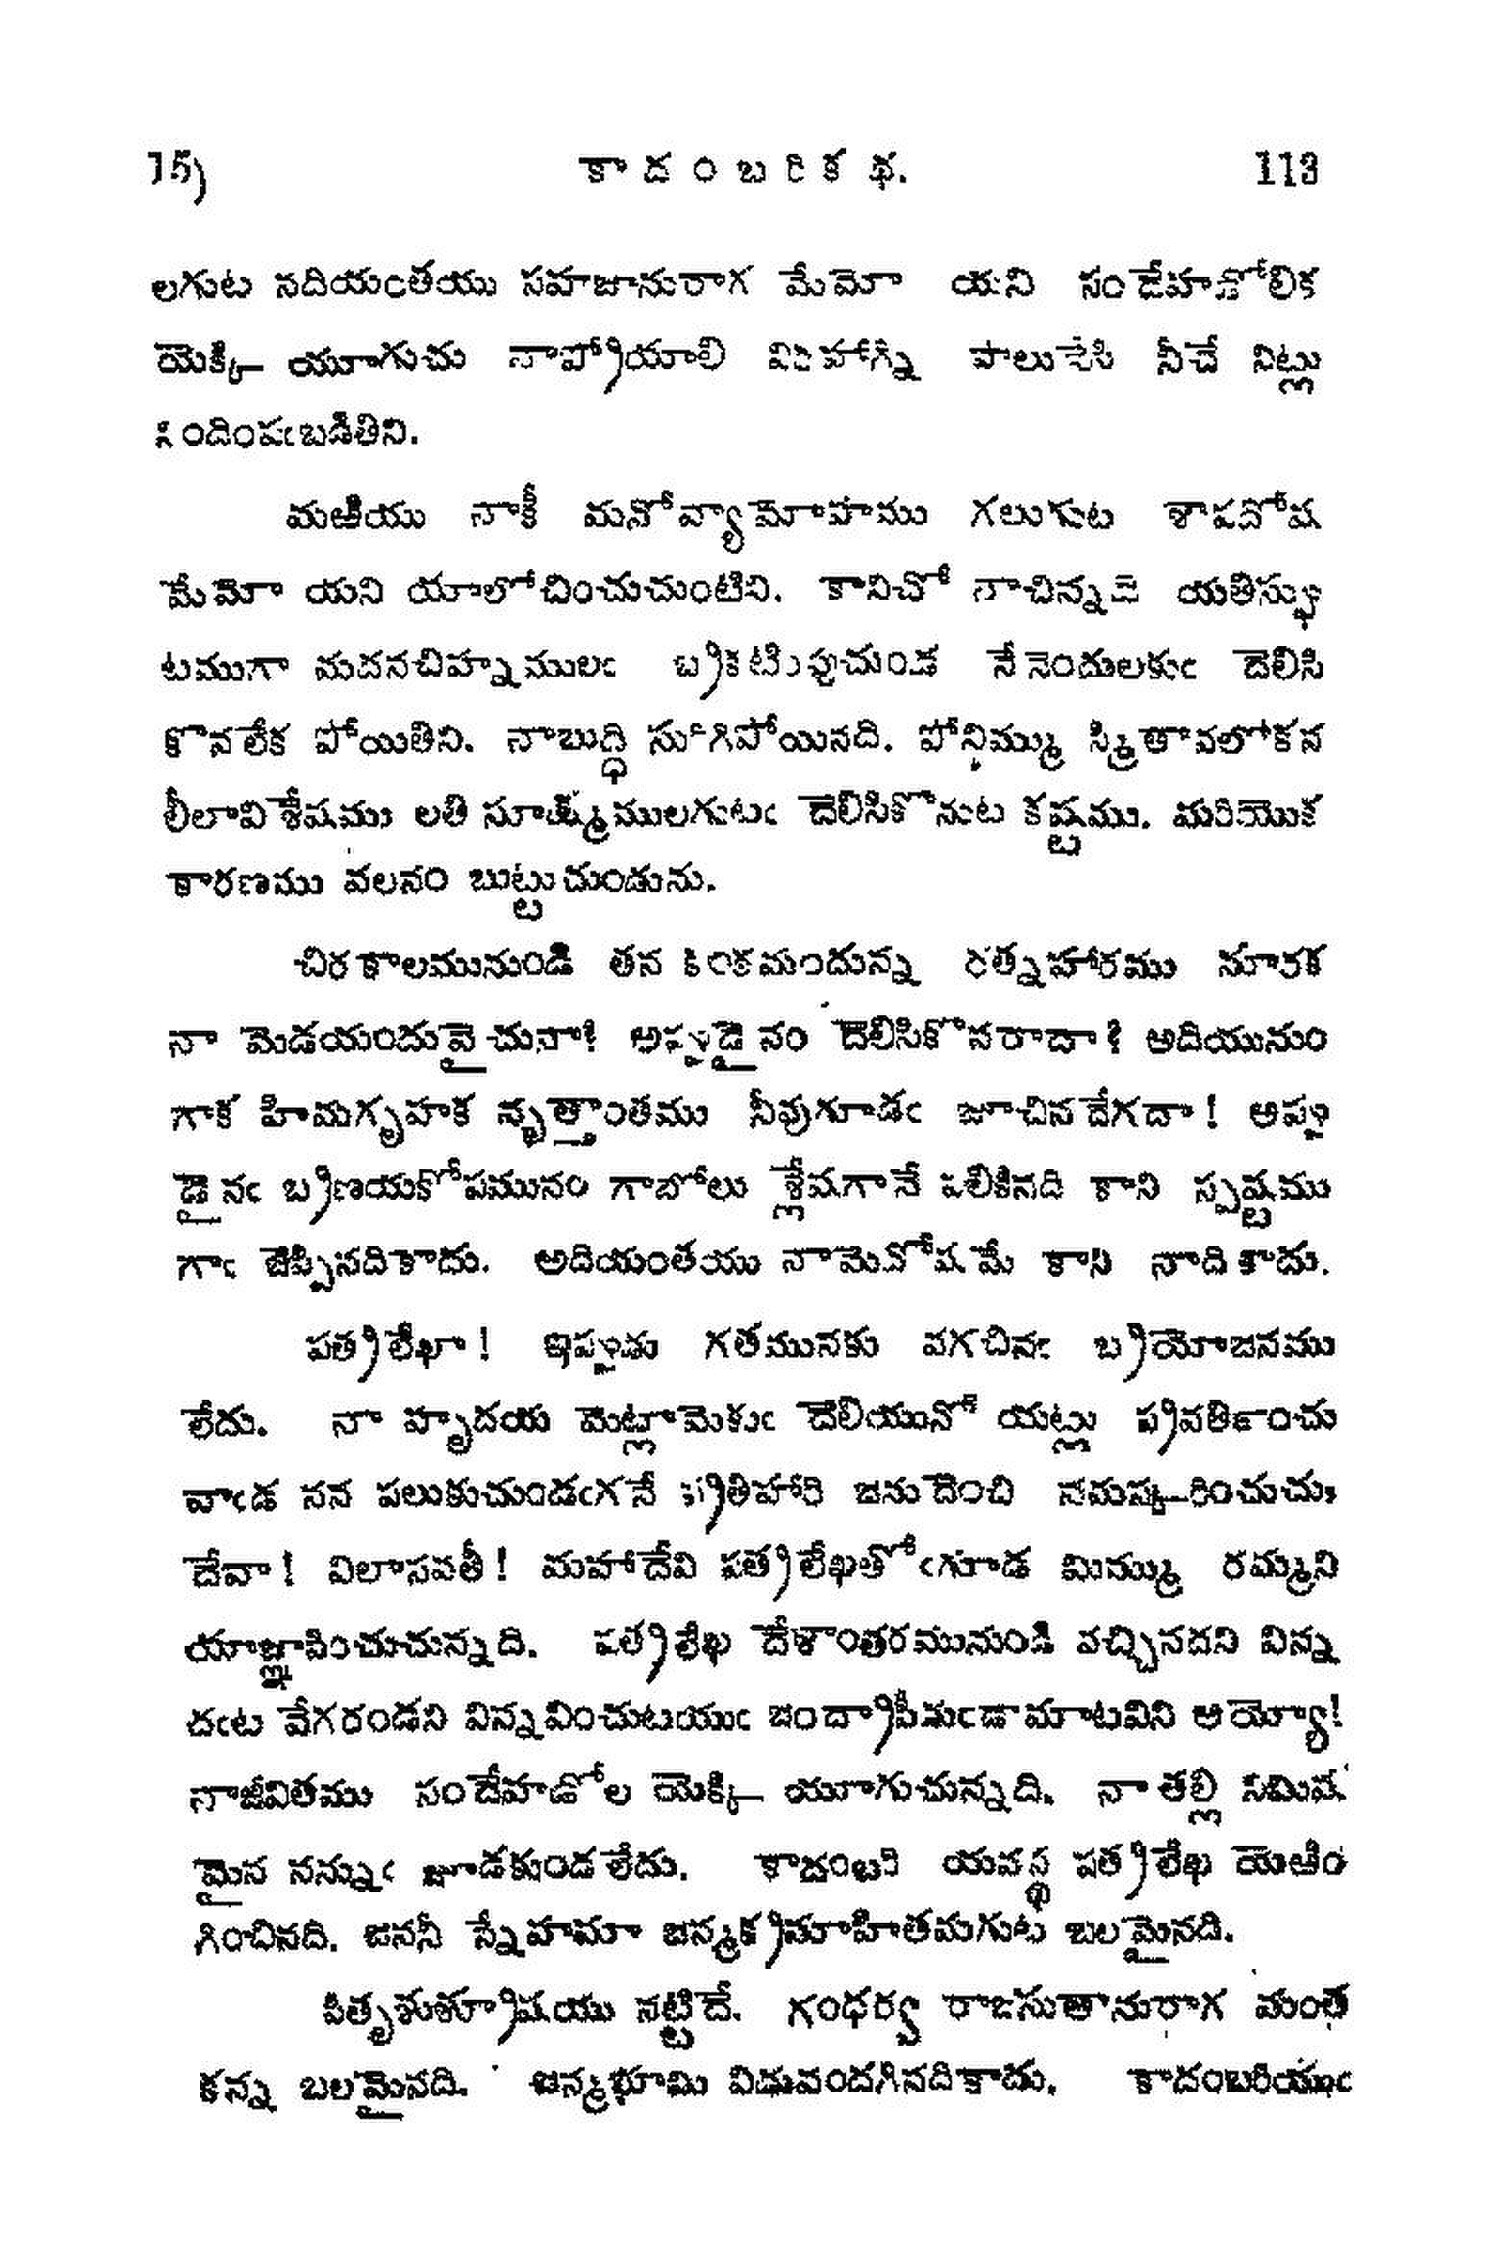లగుట నదియంతయు సహజానురాగ మేమో యని సందేహడోలిక యెక్కి యూగుచు నాప్రోయాలి విరహాగ్ని పాలుసేసి నీచే నిట్లు నిందింపఁబడితిని.

మఱియు నాకీ మనోవ్యామోహము గలుగుట శాపదోష మేమో యని యాలోచించుచుంటిని. కానిచో నాచిన్నది యతిస్ఫుటముగా నదనచిహ్నములఁ బ్రకటింపుచుండ నే నెందులకుఁ దెలిసి కొనలేక పోయితిని. నాబుద్ధి సురిగిపోయినది. పోనిమ్ము స్మితావలోకన లీలావిశేషము లతి సూక్ష్మములగుటఁ దెలిసికొనుట కష్టము. మరియొక కారణము వలనం బుట్టుచుండును.

చిరకాలమునుండి తన కంఠమందున్న రత్నహారము నూరక నా మెడయందువైచునా? అప్పుడైనం దెలిసికొనరాదా? అదియునుం గాక హిమగృహక వృత్తాంతము నీవుగూడఁ జూచినదేగదా! అప్పుడైనఁ బ్రణయకోపమునం గాబోలు శ్లేషగానే పలికినది కాని స్పష్టముగాఁ జెప్పినదికాదు. అదియంతయు నామెదోషమే కాని నాదికాదు.

పత్రలేఖా! ఇప్పుడు గతమునకు వగచినఁ బ్రయోజనము లేదు. నా హృదయ మెట్లామెకుఁ దెలియునో యట్లు ప్రవతి౯ంచువాఁడ నన పలుకుచుండఁగనే ప్రతిహారి జనుదెంచి నమస్కరించుచు, దేవా! విలాసవతీ! మహాదేవి పత్రలేఖతోఁగూడ మిమ్ము రమ్మని యాజ్ఞాపించుచున్నది. పత్రలేఖ దేశాంతరమునుండి వచ్చినదని విన్నదఁట వేగరండని విన్నవించుటయుఁ జంద్రాపీడుఁడామాటవిని అయ్యో! నాజీవితము సందేహడోల యెక్కి యూగుచున్నది. నాతల్లి నిమిషమైన నన్నుఁ జూడకుండలేదు.కాదంబరి యవస్థ పత్రలేఖ యెఱింగించినది. జననీ స్నేహమా జన్మక్రమాహితమగుట బలమైనది.

పితృశుశ్రూషయు నట్టిదే. గంధర్వ రాజసుతానురాగ మంతకన్న బలమైనది. జన్మభూమి విడువందగినదికాదు. కాదంబరియుఁ